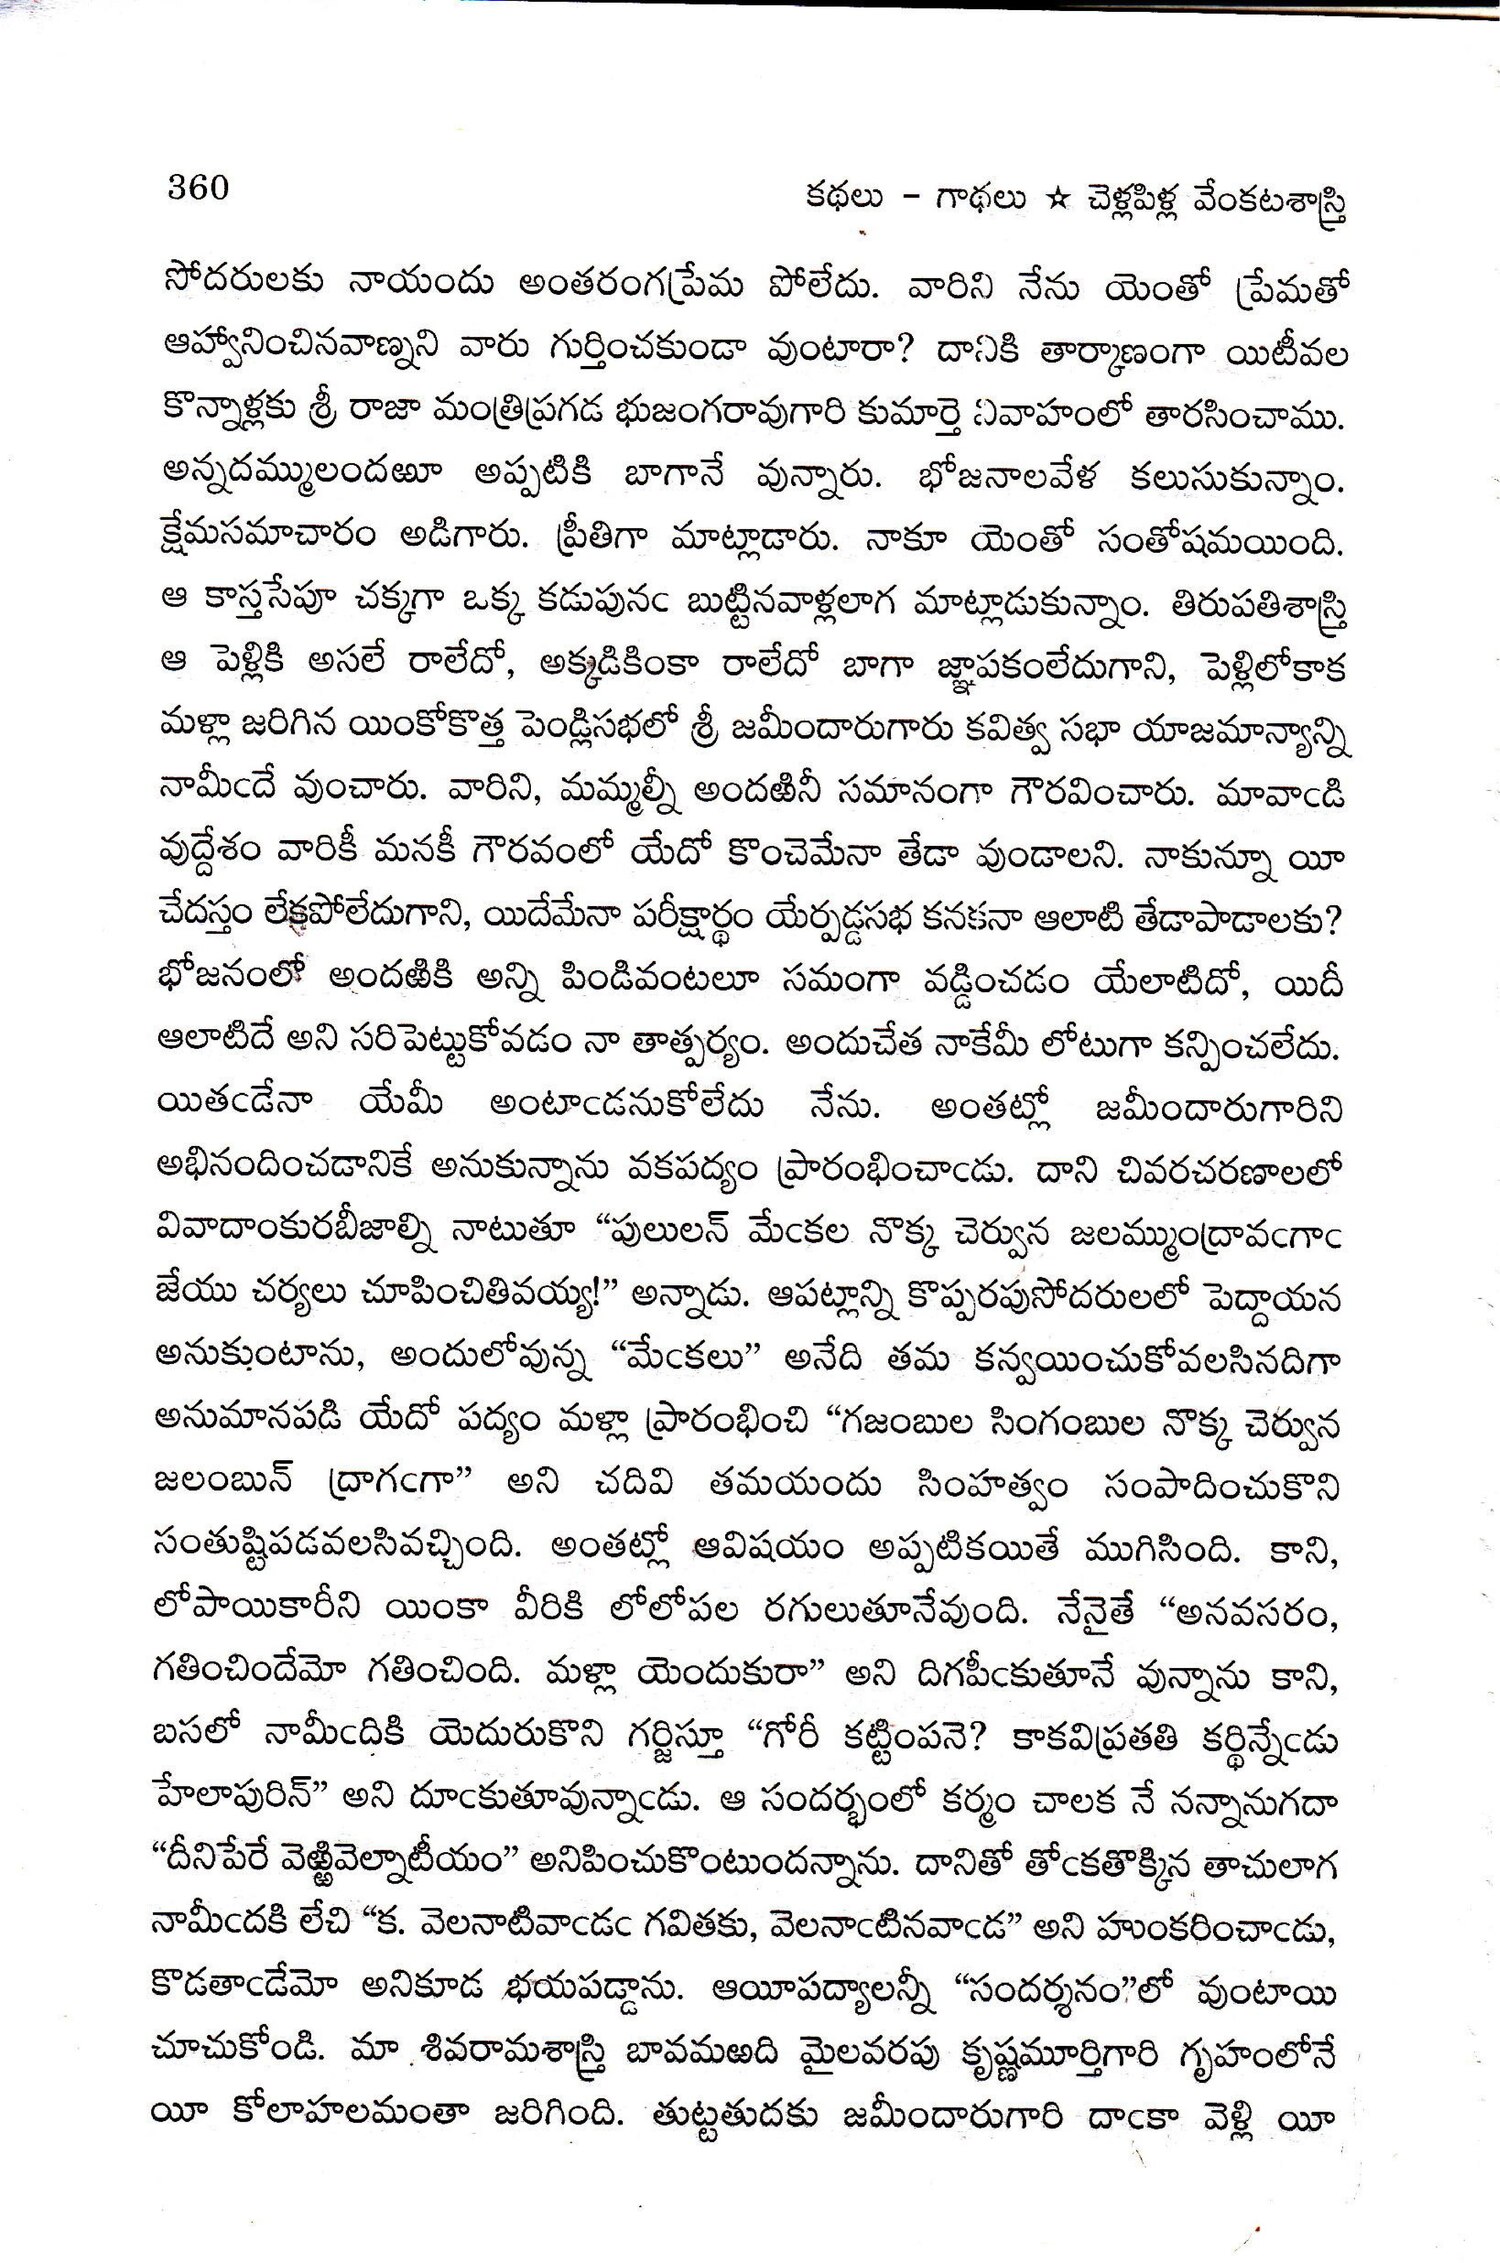సోదరులకు నాయందు అంతరంగప్రేమ పోలేదు. వారిని నేను యెంతో ప్రేమతో ఆహ్వానించినవాణ్నని వారు గుర్తించకుండా వుంటారా? దానికి తార్కాణంగా యిటీవల కొన్నాళ్లకు శ్రీ రాజా మంత్రిప్రగడ భుజంగరావుగారి కుమార్తె వివాహంలో తారసించాము. అన్నదమ్ములందఱూ అప్పటికి బాగానే వున్నారు. భోజనాలవేళ కలుసుకున్నాం. క్షేమసమాచారం అడిగారు. ప్రీతిగా మాట్లాడారు. నాకూ యెంతో సంతోషమయింది. ఆ కాస్తసేపూ చక్కగా ఒక్క కడుపునఁ బుట్టినవాళ్లలాగ మాట్లాడుకున్నాం. తిరుపతిశాస్త్రి ఆ పెళ్లికి అసలే రాలేదో, అక్కడికింకా రాలేదో బాగా జ్ఞాపకంలేదుగాని, పెళ్లిలోకాక మళ్లా జరిగిన యింకోకొత్త పెండ్లిసభలో శ్రీ జమీందారుగారు కవిత్వ సభా యాజమాన్యాన్ని నామీఁదే వుంచారు. వారిని, మమ్మల్నీ అందఱినీ సమానంగా గౌరవించారు. మావాఁడి వుద్దేశం వారికీ మనకీ గౌరవంలో యేదో కొంచెమేనా తేడా వుండాలని. నాకున్నూ యీ చేదస్తం లేకపోలేదుగాని, యిదేమేనా పరీక్షార్థం యేర్పడ్డసభ కనకనా ఆలాటి తేడాపాడాలకు? భోజనంలో అందఱికి అన్ని పిండివంటలూ సమంగా వడ్డించడం యేలాటిదో, యిదీ ఆలాటిదే అని సరిపెట్టుకోవడం నా తాత్పర్యం. అందుచేత నాకేమీ లోటుగా కన్పించలేదు. యితఁడేనా యేమీ అంటాఁడనుకోలేదు నేను. అంతట్లో జమీందారుగారిని అభినందించడానికే అనుకున్నాను వకపద్యం ప్రారంభించాఁడు. దాని చివరచరణాలలో వివాదాంకురబీజాల్ని నాటుతూ “పులులన్ మేఁకల నొక్క చెర్వున జలమ్ముంద్రావంగాఁ జేయు చర్యలు చూపించితివయ్య!" అన్నాడు. ఆపట్లాన్ని కొప్పరపుసోదరులలో పెద్దాయన అనుకుంటాను, అందులోవున్న "మేఁకలు” అనేది తమ కన్వయించుకోవలసినదిగా అనుమానపడి యేదో పద్యం మళ్లా ప్రారంభించి "గజంబుల సింగంబుల నొక్క చెర్వున జలంబున్ ద్రాగఁగా” అని చదివి తమయందు సింహత్వం సంపాదించుకొని సంతుష్టిపడవలసివచ్చింది. అంతట్లో ఆవిషయం అప్పటికయితే ముగిసింది. కాని, లోపాయికారీని యింకా వీరికి లోలోపల రగులుతూనేవుంది. నేనైతే “అనవసరం, గతించిందేమో గతించింది. మళ్లా యెందుకురా" అని దిగపీఁకుతూనే వున్నాను కాని, బసలో నామీఁదికి యెదురుకొని గర్జిస్తూ "గోరీ కట్టింపనె? కాకవిప్రతతి కర్థిన్నేఁడు హేలాపురిన్" అని దూఁకుతూవున్నాఁడు. ఆ సందర్భంలో కర్మం చాలక నే నన్నానుగదా "దీనిపేరే వెఱ్ఱివెల్నాటీయం" అనిపించుకొంటుందన్నాను. దానితో తోఁకతొక్కిన తాచులాగ నామీఁదకి లేచి “క. వెలనాటివాఁడఁ గవితకు, వెలనాఁటినవాఁడ" అని హుంకరించాఁడు, కొడతాఁడేమో అనికూడ భయపడ్డాను. ఆయీపద్యాలన్నీ “సందర్శనం"లో వుంటాయి చూచుకోండి. మా శివరామశాస్త్రి బావమఱది మైలవరపు కృష్ణమూర్తిగారి గృహంలోనే యీ కోలాహలమంతా జరిగింది. తుట్టతుదకు జమీందారుగారి దాఁకా వెళ్లి యీ